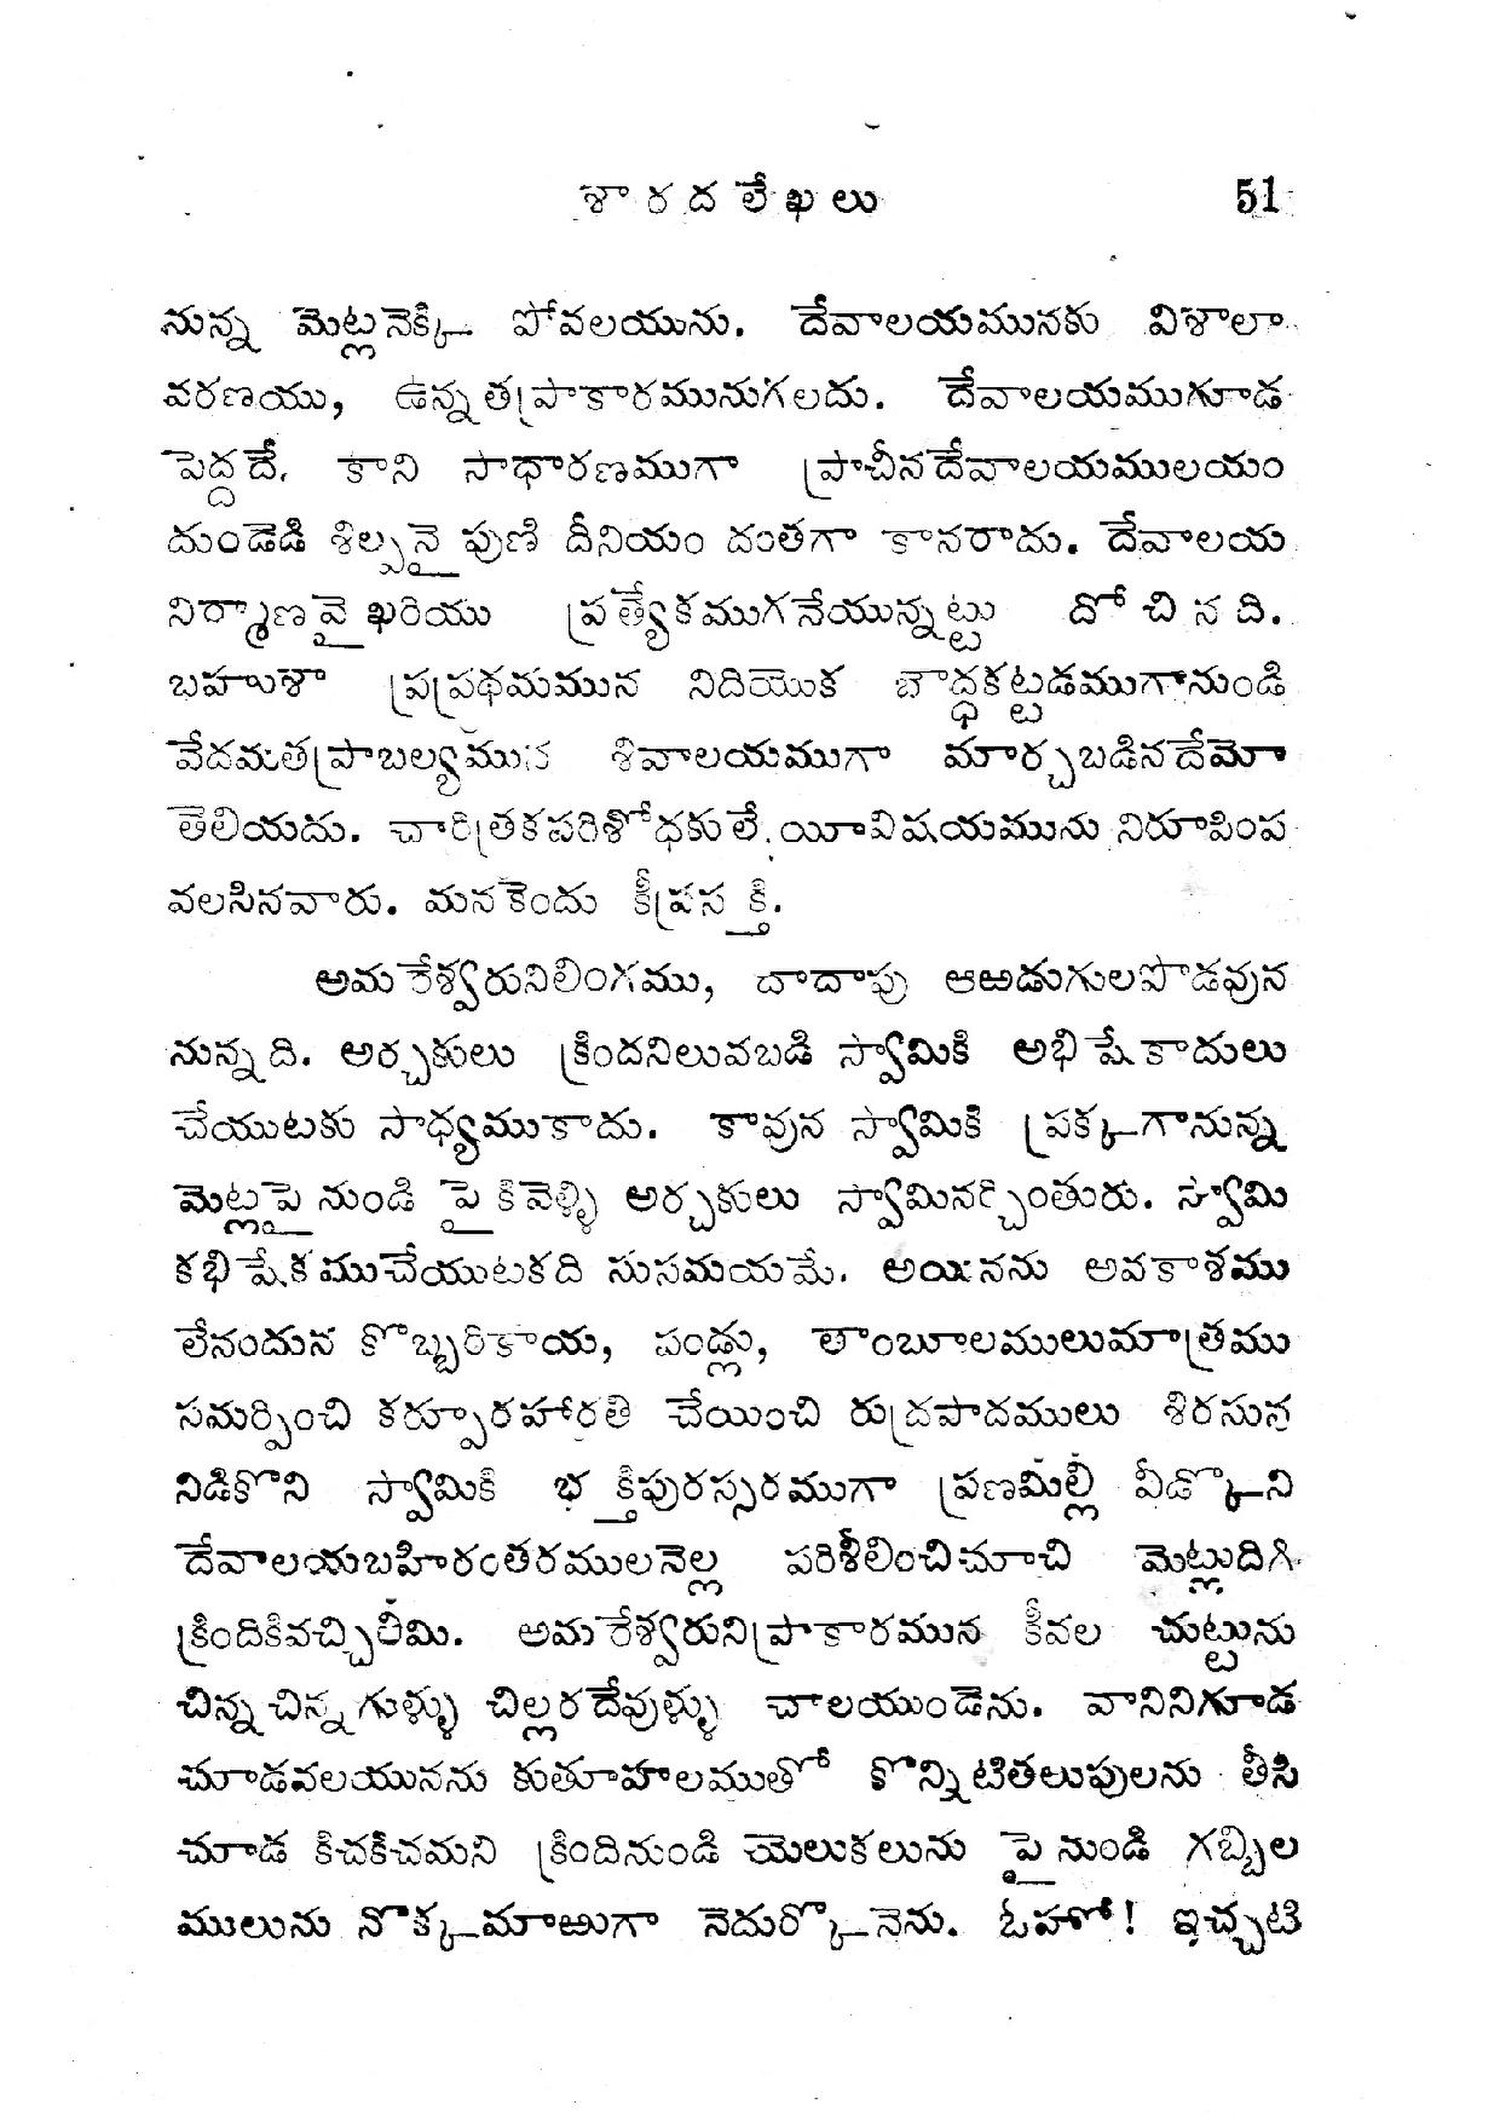నున్న మెట్లనెక్కి పోవలయును. దేవాలయమునకు విశాలా
వరణయు, ఉన్నతప్రాకారమునుగలదు.దేవాలయముగూడ
పెద్దదే. కాని సాధారణముగా ప్రాచీనదేవాలయములయం
దుండెడి శిల్పనైపుణి దీనియం దంతగాకానరాదు.దేవాలయ
నిర్మాణ వైఖరియు ప్రత్యేకముగనేయున్నట్టు దోచినది.
బహుశా ప్రప్రథమమున నిదియొక బౌద్ధకట్టడముగానుండి
వేదమతప్రాబల్యమున శివాలయముగా మార్చబడినదేమో
తెలియదు. చారిత్రకపరిశోధకులే.యీవిషయమునునిరూపింప
వలసినవారు. మనకెందు కీప్రసక్తి.

అమరేశ్వరునిలింగము, దాదాపు ఆఱడుగుల పొడవున
నున్నది. అర్చకులు క్రిందనిలువబడి స్వామికి అభిషేకాదులు
చేయుటకు సాధ్యముకాదు. కావున స్వామికి ప్రక్కగానున్న
మెట్లపై నుండి పైకి వెళ్ళి అర్చకులు స్వామినర్చింతురు. స్వామి
కభిషేకము చేయుటకది సుసమయమే. అయినను అవకాశము
లేనందున కొబ్బరికాయ, పండ్లు, తాంబూలములుమాత్రము
సమర్పించి కర్పూరహారతి చేయించి రుద్రపాదములు శిరసున
నిడికొని స్వామికి భ క్తిపురస్సరముగా ప్రణమిల్లి వీడ్కొని
దేవాలయబహీరఁతరముల నెల్ల పరిశీలించి చూచి మెట్లుదిగి.
క్రిందికివచ్చితిమి. అమరేశ్వరుని ప్రాకారమున కీవల చుట్టును
చిన్న చిన్న గుళ్ళు చిల్లర దేవుళ్ళు చాలయుండెను. వానినిగూడ
చూడవలయునను కుతూహలముతో కొన్నిటితలుపులను తీసి
చూడ కీచకీచమని క్రిందినుండి యెలుకలును పై నుండి గబ్బిల
ములును నొక్కమాఱుగా నెదుర్కొనెను. ఓహో! ఇచ్చటి